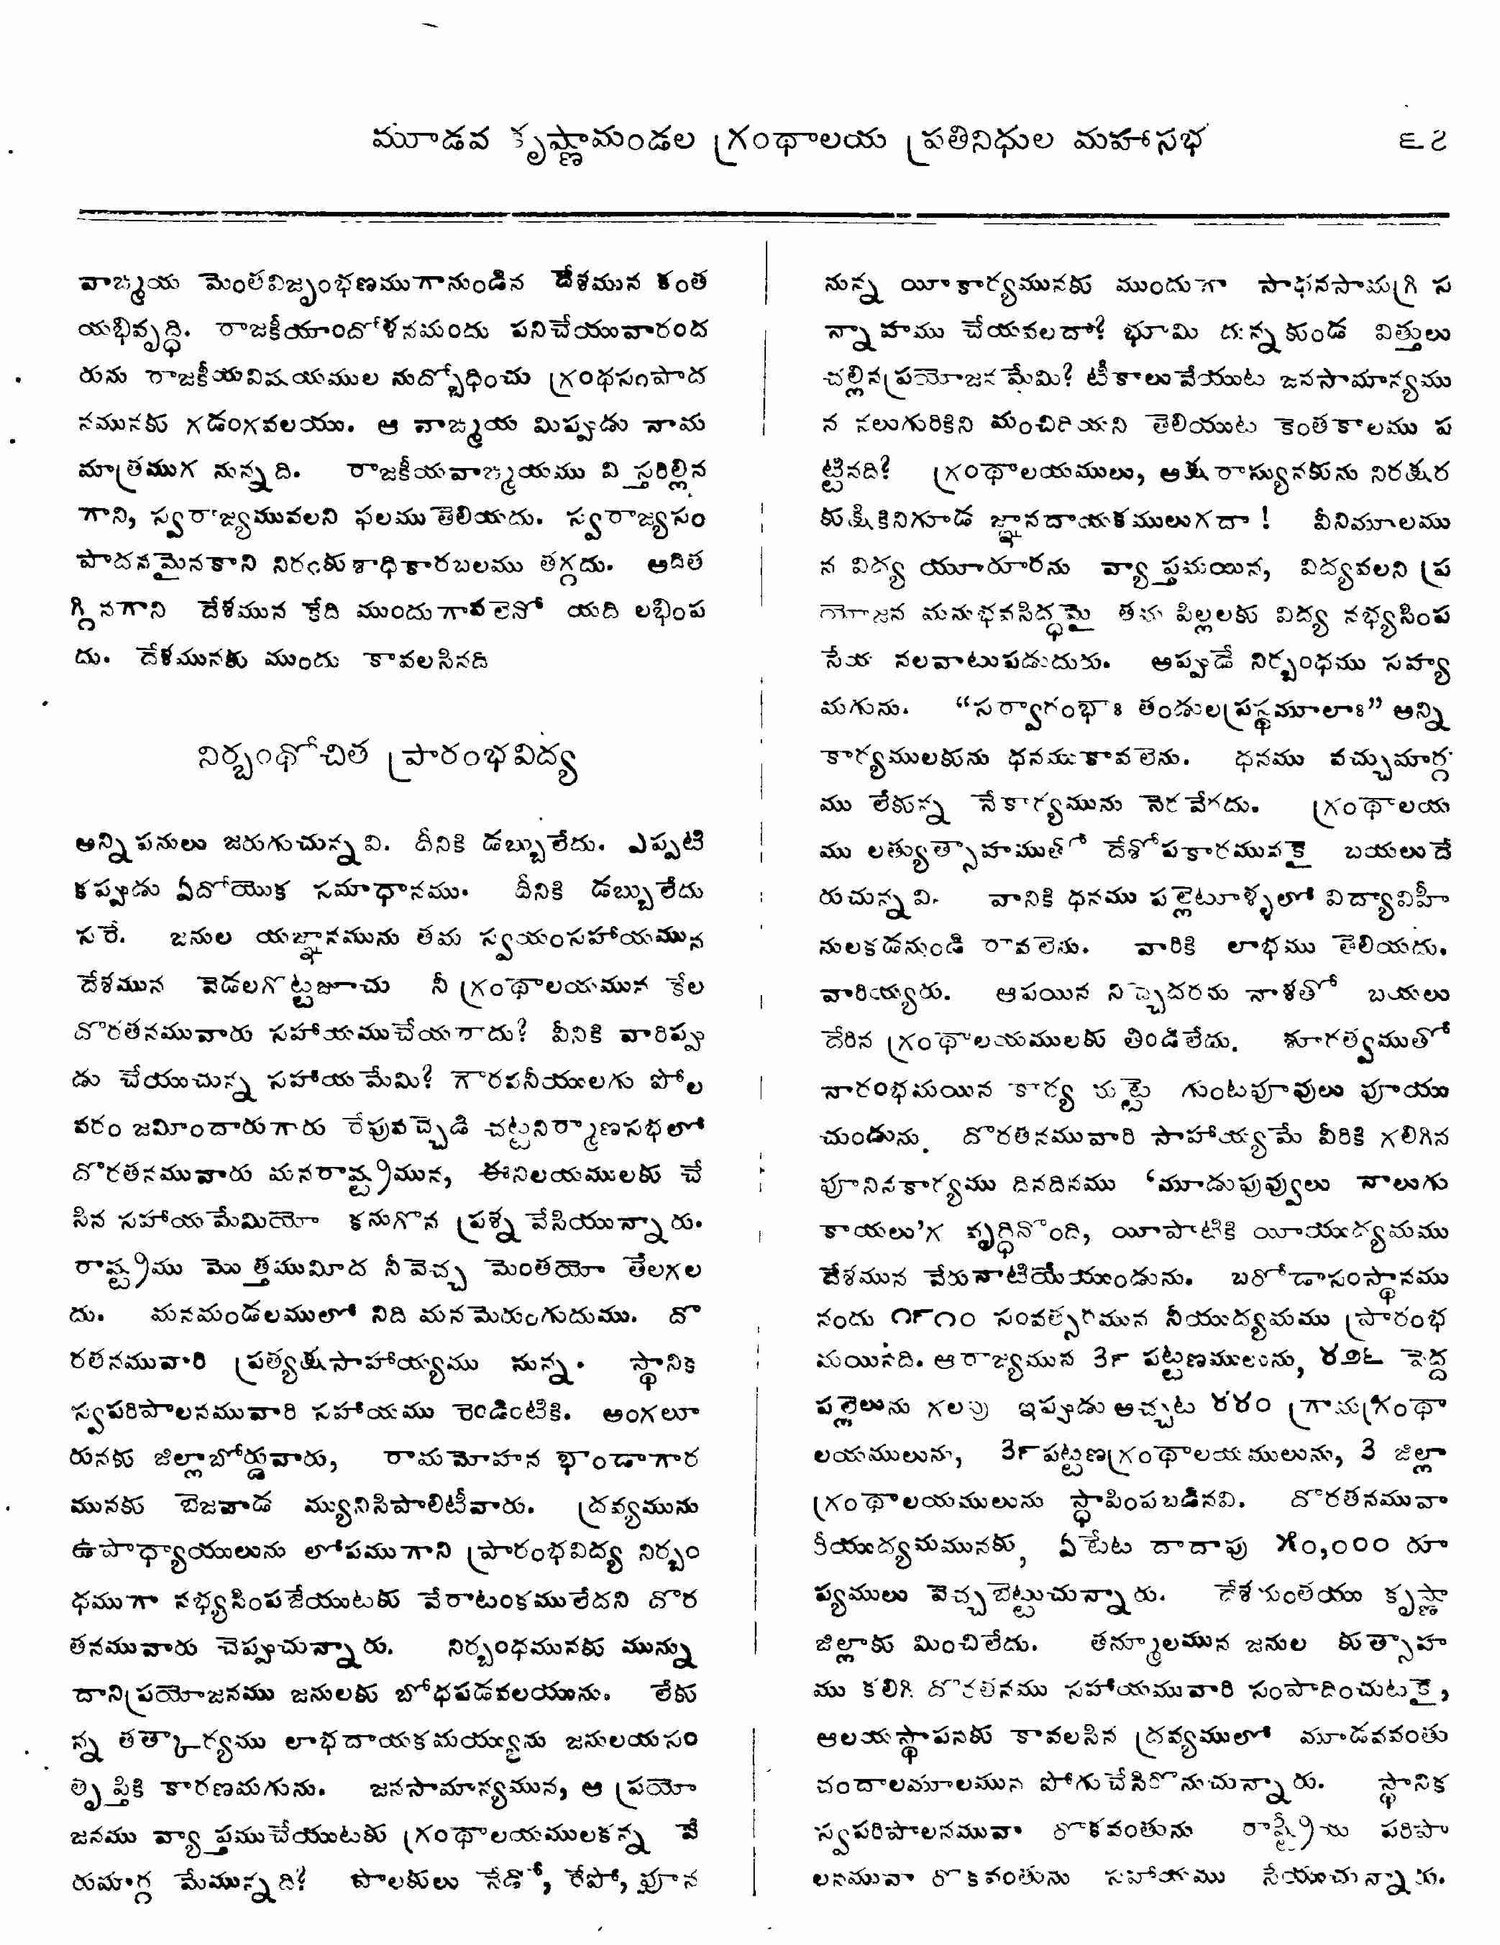వాఙ్మయ మెంత విజృంభణముగానుండిన దేశమున కంతయభివృద్ధి. రాజకీయాందోళనమందు పనిచేయువారందరును రాజకీయ విషయముల నుద్బోధించు గ్రంథసంపాదనమునకు గడంగవలయు. ఆ నాఙ్మయ మిప్పుడు నామ మాత్రముగ నున్నది. రాజకీయ వాఙ్మయము విస్తరిల్లినగాని, స్వరాజ్యమువలని ఫలముతెలియదు. స్వరాజ్యసంపాదనమైనకాని నిర్యకుశాధికారబలము తగ్గదు. 
ఆదితగ్గినగాని దేశమున కేది ముందు గావలెనో యది లభింపదు. దేశమునకు ముందు కావలసినది

అన్నిపనులు జరుగుచున్నవి. దీనికి డబ్బులేదు. ఎప్పటికప్పుడు ఏదో యొక సమాధానము. దీనికి డబ్బులేదు సరే. జనులు యజ్ఞానమును తమ స్వయంసహాయమున దేశమున వెడలగొట్టజూచు నీ గ్రంథాలయమున కేల దొరతనమువారు సహాయము చేయరాదు? వీనికి వారిప్పుడు చేయుచున్న సహాయమేమి? గౌరవనీయులగు పోలవరం జమీందారు గారు రేవువచ్చెడి చట్టనిర్మాణసభలో దొరతనమువారు మనరాష్ట్రమున, ఈనిలయములకు చేసిన సహాయ మేమియో కనుగొన ప్రశ్నవేసియున్నారు.
రాష్ట్రము మొత్తముమీద నీవెచ్చ మెంతయో తేలగలదు. మనమండలములో నిది మనమెరుఁగుదుము. దొరతనమువారి ప్రత్యక్ష సాహాయ్యము నున్న స్థానికస్వపరిపాలనమువారి సహాయము రెండింటికి. అంగలూరునకు జిల్లా బోర్డువారు, రామమోహన భాండాగార
మునకు బెజవాడ మ్యునిసిపాలిటీవారు. ద్రవ్యమును, ఉపాధ్యాయులును లోపము గాని ప్రారంభవిద్య నిర్బంధముగా సభ్యసింపజేయుటకు వేరాటంకములేదని దొరతనమువారు చెప్పుచున్నారు. నిర్బంధమునకు మున్ను దానిప్రయోజనము జనులకు బోధపడవలయును. లేకున్నా తత్కార్యము లాభదాయకమయ్యను జనులయసంతృప్తికి కారణమగును. జనసామాన్యమున, 
ఆ ప్రయోజనము వ్యాప్తముచేయుటకు గ్రంథాలయములకన్న వేరుమార్గ మేమున్నది? పాలకులు నేడో, రేపో, పూననున్నా 
యీ కార్యమునకు ముందుగా సాధనసామగ్రి సన్నాహము చేయవలదా? భూమి దున్నకుండ విత్తులు చల్లినప్రయోజన మేమి? టీకాలు వేయుట జనసామాన్యమున నలుగురికిని మంచిరియని తెలియుట కెంతకాలము పట్టినది? గ్రంథాలయములు, ఆక్షరాస్యునకును నిరక్షరకుక్షికి నిగూడ జ్ఞానదాయకములుగదా! వీనిమూలమున విద్య యూరూరను వ్యాప్తమయిన, విద్యవలని ప్రయోజన మనుభవసిద్ధమై తమ పిల్లలకు విద్య నభ్యసింపసేయ నలవాటుపడుదురు. అప్పుడే నిర్బంధము సహ్యమగును. "సర్వార౦భాః తండుల ప్రస్థమూలా" అన్ని కార్యములకును ధనము కావలెను. ధనము వచ్చుమార్గము లేకున్న నేకార్యమును నెరవేరదు.
గ్రంథాలయము లత్యుత్సాహముతో దేశోపకారమునకై బయలుదేరుచున్నవి. వానికి ధనము పల్లెటూళ్ళలో విద్యావిహీనులకడనుండి రావలెను. వారికి లాభము తెలియదు. వారియ్యరు. ఆపయిన నిచ్చెదరు నాశతో బయలు దేరిన గ్రంథాలయములకు తిండిలేదు. కూరత్వముతో రంభమయిన కార్య మట్టె గుంటపూవులు పూయు చుండును. దొరతనమువారి సాహాయ్యమే వీరికి గలిగిన పూనిన కార్యము దినదినము 'మూడుపువ్వులు నాలుగు కాయలు' వృద్ధినొంది, యీపాటికి యీయ్యద్యమము దేశమున వేరునాటియే యుండును. బరోడా సంస్థానమునందు ౧౯౧౦ సంవత్సరమున నీయుద్యమము ప్రారంభమయినది. ఆ రాజ్యమున ౩౯ పట్టణములును, ౪౨౬ పెద్ద పల్లెలును గలపు ఇప్పుడు అచ్చట ౪౪౦ గ్రామగ్రంథాలయములును, 3౯ పట్టణ థాలయములును,
3 జిల్లా గ్రంథాలయములును స్థాపింపబడినవి. దొరతనమువానీయుద్యమమునకు, ఏటేట దాదాపు ౫౦,౦౦౦ రూవ్యములు వెచ్చబెట్టుచున్నారు. దేశరుంతయు కృష్ణాజిల్లాకు మించి లేదు. తన్మూలమున జనుల ఉత్సాహము కలిగి దొరతనము సహాయము 
వారి సంపాదించుటకై, ఆలయస్థాపనకు కావలసిన ద్రవ్యములో మూడవవంతు చందాల మూలమున పోగుచేసికొనుచున్నారు. స్థానిక
స్వపరిపాలనమువా రొకవంతును రాష్ట్ర పరిపాలనమువా రొకవంతును సహాయము సేయుచున్నారు.